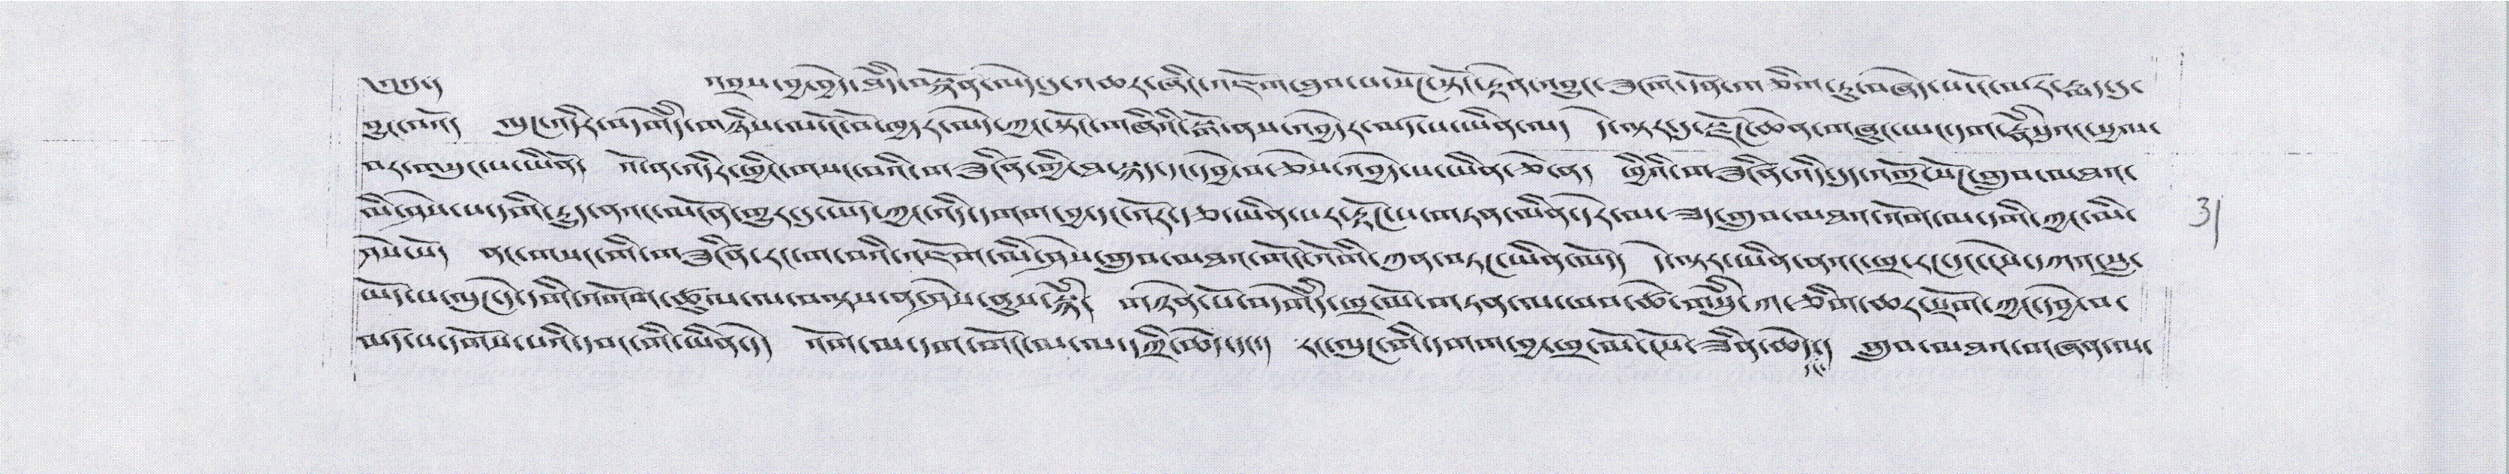འབྲས་བྱ་བྱེད་ཐམས་ཅད་བསྙོན་མེད་དུ་འཆར་ཞིང་འཇོག་ཐུབ་པ་སོགས་སྟོང་རྟེན་འབྱུང་ཟུང་འཇུག་དོན་གཅིག་ཏུ་བཞེད་པ་ངོ་མཚར་རྨད་དུ་
བྱུང་བའོ། ལུགས་འདིར་བདག་མེད་གཉིས་ལ་ངོ་བོ་ཁྱད་པར་མེད་ཀྱང་སྟོང་གཞིའི་སྒོ་ནས་ཁྱད་པར་མཛད་པ་ཡིན་ལ། དེ་ལྟར་དུ་རྫོགས་ཆེན་གྱི་གཞུང་ཡང་དག་རྣམས་སུའང་གསལ་
བར་གསུངས་པ་ཡིན་ནོ། འོ་ན་འདིར་ཕྱི་ནང་གསང་བའི་གཟུང་འཛིན་གྱི་ཐ་སྙད་དང་དབྱེ་བ་ཅེས་འབྱེད་པ་ཡིན་ཞེ་ན། ཕྱི་ཡི་གཟུང་འཛིན་འདི་དུད་འགྲོ་སོགས་གྲུབ་མཐའ་
མི་ཤེས་པ་དག་གི་རྒྱུད་ནའང་མངོན་གྱུར་དུ་ཡོད་ཀྱང་འདི་དགག་བྱ་དང་འཁོར་རྩ་ཡིན་པ་རྟོགས་པ་གཏན་མིན། དེར་མ་ཟད་གྲུབ་མཐའ་འོག་མ་དག་གིས་ཀྱང་མི་
ཤེས་སོ། ནང་གསང་གི་གཟུང་འཛིན་རང་ག་བའི་འཇོག་མི་ཤེས་གྲུབ་མཐའ་གོང་འོག་གི་ཀུན་བཏགས་ཡིན་མོད། དེ་ལྟར་ཡིན་ནའང་ཕྲ་རགས་དང་ངེས་དཀའ་སླ་
ཡོད་པ་ལུགས་དེ་དག་གི་འགོག་ཚུལ་ལ་བལྟས་ན་ཤེས་ནུས་སྙམ། གཉེན་པོ་བདག་མེད་ཕྲ་མོ་གཏན་ལ་ཕབ་ཚེ་གསུམ་ཀ་གཅིག་ཅར་སྡོག་ཀྱང་དབྱེ་བ་
མཛད་པ་དགོས་པའི་དབང་གིས་ཡིན་ཏེ། འོག་མ་དག་གོང་མ་ལ་དཀྲི་ཆེད་དང་། རང་ལུགས་ཀྱི་དགག་བྱ་ཕྲ་མོ་ངོས་ཟིན་ཆེད་དང་། གྲུབ་མཐའ་གཞན་ལ་